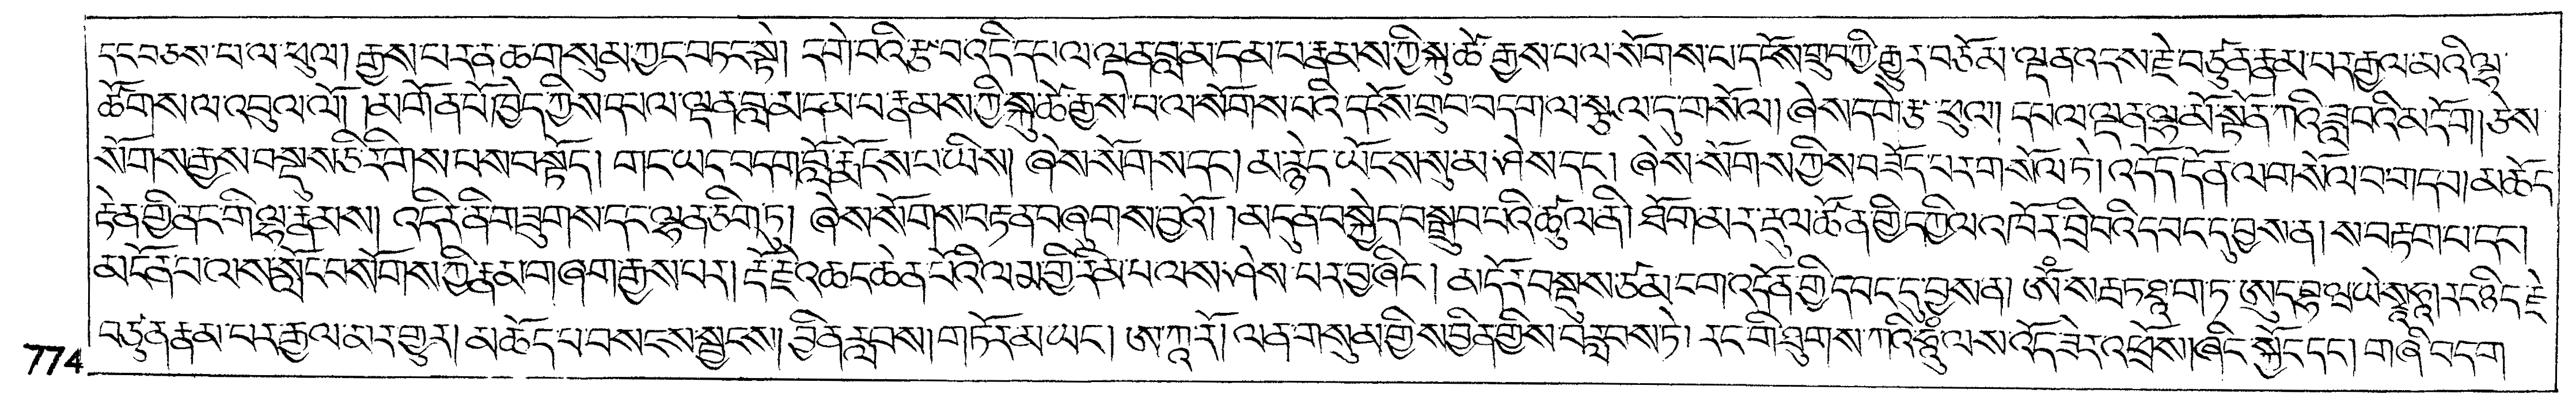དང་བཅས་པ་ལ་ཕུལ། རྒྱས་པར་ན་ཆ་གསུམ་ཀྱང་བཏང་སྟེ། དགེ་བའི་རྩ་བ་འདི་དཔལ་ལྡན་བླ་མ་དམ་པ་རྣམས་ཀྱི་སྐུ་ཚེ་རྒྱས་པ་ལ་སོགས་པ་དངོས་གྲུབ་ཀྱི་རྒྱུར་བཅོམ་ལྡན་འདས་རྗེ་བཙུན་རྣམ་པར་རྒྱལ་མའི་ལྷ་
ཚོགས་ལ་འབུལ་ལོ། །མགོན་པོ་ཁྱེད་ཀྱིས་དཔལ་ལྡན་བླ་མ་དམ་པ་རྣམས་ཀྱི་སྐུ་ཚེ་རྒྱས་པ་ལ་སོགས་པའི་དངོས་གྲུབ་བདག་ལ་སྩལ་དུ་གསོལ། ཞེས་དགེ་རྩ་ཕུལ། དཔལ་ལྡན་ལྷ་མོ་སྟོན་ཀའི་ཟླ་བའི་མདོག །ཅེས་
སོགས་རྒྱས་བསྡུས་ཅི་རིགས་པས་བསྟོད། གང་ཡང་བདག་བློ་རྨོངས་པ་ཡིས། ཞེས་སོགས་དང་། མ་རྙེད་ཡོངས་སུ་མ་ཤེས་དང་། ཞེས་སོགས་ཀྱིས་བཟོད་པར་གསོལ་ཏེ། འདོད་དོན་ལ་གསོལ་བ་གདབ། མཆོད་
རྟེན་གྱི་ནང་གི་ལྷ་རྣམས། འདིར་ནི་གཟུགས་དང་ལྷན་ཅིག་ཏུ། ཞེས་སོགས་བརྟན་བཞུགས་བྱའོ། །མདུན་བསྐྱེད་བསྒྲུབ་པའི་ཚུལ་ནི། ཐོག་མར་རྡུལ་ཚོན་གྱི་དཀྱིལ་འཁོར་བྲི་བའི་དབང་དུ་བྱས་ན། ས་བརྟག་པ་དང་།
མངོན་པ་ལས་སློང་བ་སོགས་ཀྱི་རྣམ་གཞག་རྒྱས་པར། རྡོ་རྗེ་འཆང་ཆེན་པོའི་ལམ་གྱི་རིམ་པ་ལས་ཤེས་པར་བྱ་ཞིང་། མདོར་བསྡུས་ཙམ་ངག་འདོན་གྱི་དབང་དུ་བྱས་ན། ཨོཾ་སརྦ་ཏ་ཐཱ་ག་ཏ་ཨུད་བྷ་ཝ་ཡེ་སྭཱཧཱ། རང་ཉིད་རྗེ་
བཙུན་རྣམ་པར་རྒྱལ་མར་གྱུར། མཆོད་པ་བསངས་སྦྱངས། བྱིན་རླབས། གཏོར་མ་ཡང་། ཨ་ཀཱ་རོ། ལན་གསུམ་གྱིས་བྱིན་གྱིས་བརླབས་ཏེ། རང་གི་ཐུགས་ཀའི་ཧཱུཾ་ལས་འོད་ཟེར་འཕྲོས། ཞིང་སྐྱོང་དང་། གཞི་བདག་